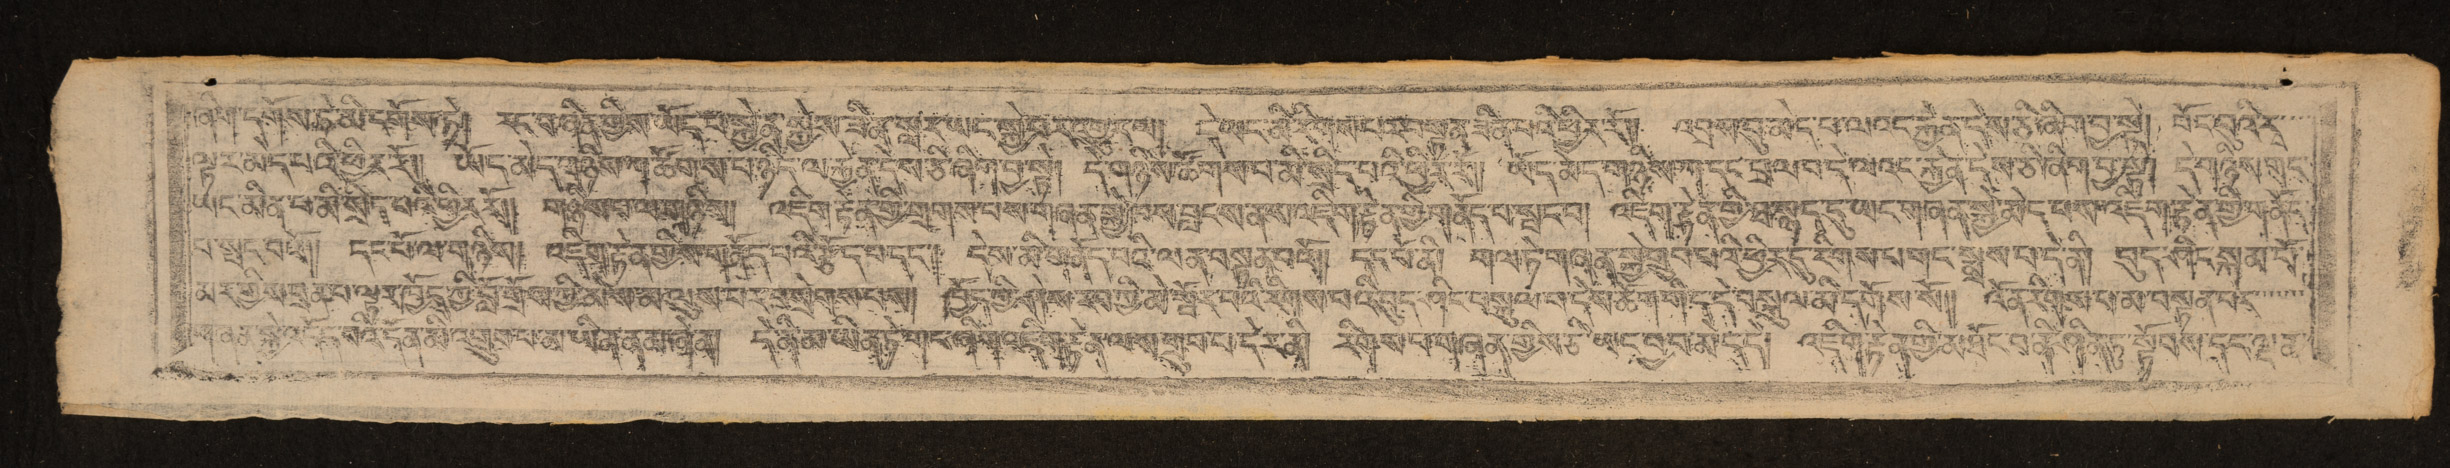ཞིག་དགོས་ཏེ་མི་དགོས་ཏེ། རང་བཞིན་གྱིས་ཡོད་པ་སྐྱེ་ན་སྐྱེས་ཟིན་སླར་ཡང་སྐྱེ་བར་འགྱུར་ལ། དེ་ཡང་མི་རིགས་པར་བསྟན་ཟིན་པའི་ཕྱིར་རོ།། འབྲས་བུ་མེད་པ་ལའང་རྐྱེན་དེས་ཅི་ཞིག་བྱ་སྟེ། འོང་བུའི་རྭ་
ལྟར་མེད་པའི་ཕྱིར་རོ།། ཡོད་མེད་གཉིས་ཀ་ཚོགས་པ་ཉིད་ལ་རྐྱེན་དེས་ཅི་ཞིག་བྱ་སྟེ། དེ་གཉིས་ཚོགས་པ་མི་སྲིད་པའི་ཕྱིར་རོ།། ཡོད་མེད་གཉིས་ཀ་དང་བྲལ་བ་དེ་ལའང་རྐྱེན་དེས་ཅི་ཞིག་བྱ་སྟེ། དེ་གཉིས་གང་
ཡང་མིན་པ་མི་སྲིད་པའི་ཕྱིར་རོ།། གཉིས་པ་ལ་གཉིས། འཇིག་རྟེན་གྱི་གྲགས་པས་གཞན་སྐྱེ་ཁས་བླངས་ནས་འཇིག་རྟེན་གྱི་གནོད་པ་སྤང་བ། འཇིག་རྟེན་གྱི་ཐ་སྙད་དུ་ཡང་གཞན་སྐྱེ་མེད་པས་འཇིག་རྟེན་གྱི་གནོད་
པ་སྤང་བའོ།། དང་པོ་ལ་གཉིས། འཇིག་རྟེན་གྱིས་གནོད་པའི་རྩོད་པ་དང་། དེས་མི་གནོད་པའི་ལན་བསྟན་པའོ།། དང་པོ་ནི། གལ་ཏེ་གཞན་སྐྱེ་གྲུབ་པའི་ཕྱིར་དུ་རིགས་པ་གང་སྨྲས་པ་དེ་ནི། བུད་ཤིང་སྐམ་པོ་
མར་གྱིས་བྲན་པ་ལྟར་ཁྱོད་ཀྱིས་བློ་གྲོས་ཀྱི་མེས་མ་ལུས་པར་བསྲེགས་པས། ཁྱོད་ཀྱི་ཤེས་རབ་ཀྱི་མེ་སྦོར་བའི་རིགས་པའི་བུད་ཤིང་བསྐུལ་བ་དེས་ཆོག་གི་ད་དེ་བསྐུལ་མི་དགོས་སོ།། འོ་ན་རིགས་པ་མ་བསྟན་པར་
གཞན་སྐྱེ་འདོད་པའི་དོན་མི་འགྲུབ་པ་མ་ཡིན་ནམ་ཞེ་ན། དེ་ནི་མ་ཡིན་ཏེ་གང་ཞིག་འཇིག་རྟེན་ལས་གྲུབ་པ་དེར་ནི། རིགས་པ་གཞན་གྱིས་ཅི་ཡང་བྱ་བ་མེད་དེ། འཇིག་རྟེན་གྱི་མཐོང་བ་ནི་ཤིན་ཏུ་སྟོབས་དང་ལྡན་